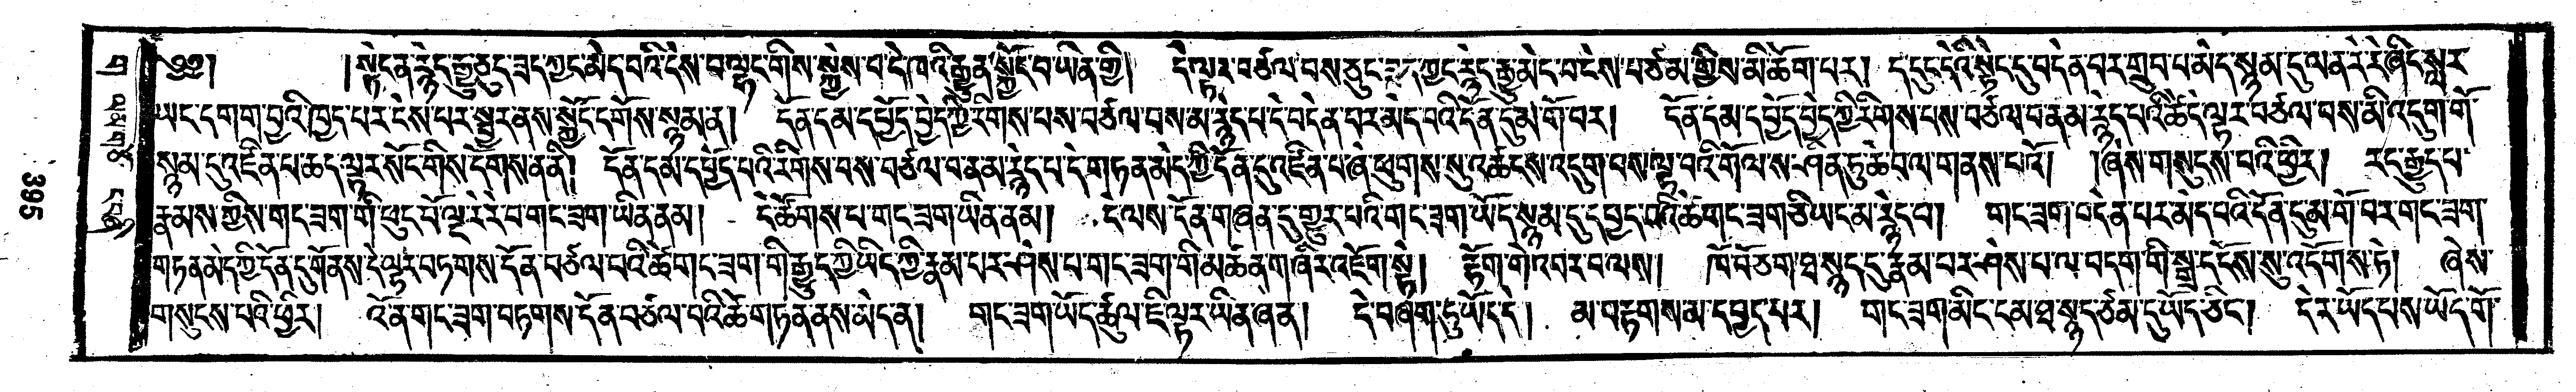༄༅། །སྟེང་ན་རྙེད་རྒྱུ་ཅུང་ཟད་ཀྱང་མེད་པའི་དེས་བ་ལྷང་གིས་སྐྱེས་པ་དེ་ཁའི་རྒྱུན་སྐྱོང་བ་ཡིན་གྱི། དེ་ལྟར་བཙལ་བས་ཅུང་ཟད་ཀྱང་རྙེད་རྒྱུ་མེད་པ་ངེས་པ་ཙམ་གྱིས་མི་ཆོག་པར། ད་དུང་དེའི་སྟེང་དུ་བདེན་པར་གྲུབ་པ་མེད་སྙམ་དུ་ལན་རེ་རེ་ཞིང་སླར་
ཡང་དགག་བྱའི་ཁྱད་པར་ངེས་པར་སྦྱར་ནས་སྐྱོང་དགོས་སྙམ་ན། དོན་དམ་དཔྱོད་བྱེད་ཀྱི་རིགས་པས་བཙལ་བས་མ་རྙེད་པ་དེ་བདེན་པར་མེད་པའི་དོན་དུ་མགོ་བར། དོན་དམ་དཔྱོད་བྱེད་ཀྱི་རིགས་པས་བཙལ་བ་ནམ་རྙེད་པའི་ཚེ་དེ་ལྟར་བཙལ་བས་མི་འདུག་གོ་
སྙམ་དུ་འཛིན་པ་ཆད་ལྟར་སོང་གིས་དོགས་ན་ནི། དོན་དམ་དཔྱོད་པའི་རིགས་པས་བཙལ་བ་ན་མ་རྙེད་པ་དེ་གཏན་མེད་ཀྱི་དོན་དུ་འཛིན་པ་ཞེ་ཕུགས་སུ་འཚངས་འདུག་པས་ལྟ་བའི་གོ་ལས་ཤིན་ཏུ་ཆེ་བ་ལ་གནས་པའོ། །ཞེས་གསུངས་པའི་ཕྱིར། རང་རྒྱུད་པ་
རྣམས་ཀྱིས་གང་ཟག་གི་ཕུང་པོ་ལྔ་རེ་རེ་བ་གང་ཟག་ཡིན་ནམ། དེ་ཚོགས་པ་གང་ཟག་ཡིན་ནམ། དེ་ལས་དོན་གཞན་དུ་གྱུར་བའི་གང་ཟག་ཡོད་སྙམ་དུ་དཔྱད་པའི་ཚེ་གང་ཟག་ཅི་ཡང་མ་རྙེད་པ། གང་ཟག་བདེན་པར་མེད་པའི་དོན་དུ་མ་གོ་བར་གང་ཟག་
གཏན་མེད་ཀྱི་དོན་དུ་གོ་ནས་དེ་ལྟར་བཏགས་དོན་བཙལ་བའི་ཚེ་གང་ཟག་གི་རྒྱུད་ཀྱི་ཡིད་ཀྱི་རྣམ་པར་ཤེས་པ་གང་ཟག་གི་མཚན་གཞིར་འཇོག་སྟེ། རྟོག་གེ་འབར་བ་ལས། ཁོ་བོ་ཅག་ཐ་སྙད་དུ་རྣམ་པར་ཤེས་པ་ལ་བདག་གི་སྒྲ་དངོས་སུ་འདོགས་ཏེ། ཞེས་
གསུངས་པའི་ཕྱིར། འོ་ན་གང་ཟག་བཏགས་དོན་བཙལ་བའི་ཚེ་གཏན་ནས་མེད་ན། གང་ཟག་ཡོད་ཚུལ་ཇི་ལྟར་ཡིན་ཞེ་ན། དེ་བཞག་ཏུ་ཡོད་དེ། མ་བརྟགས་མ་དཔྱད་པར། གང་ཟག་མིང་ངམ་ཐ་སྙད་ཙམ་དུ་ཡོད་ཅིང་། དེར་ཡོད་པས་ཡོད་གོ་